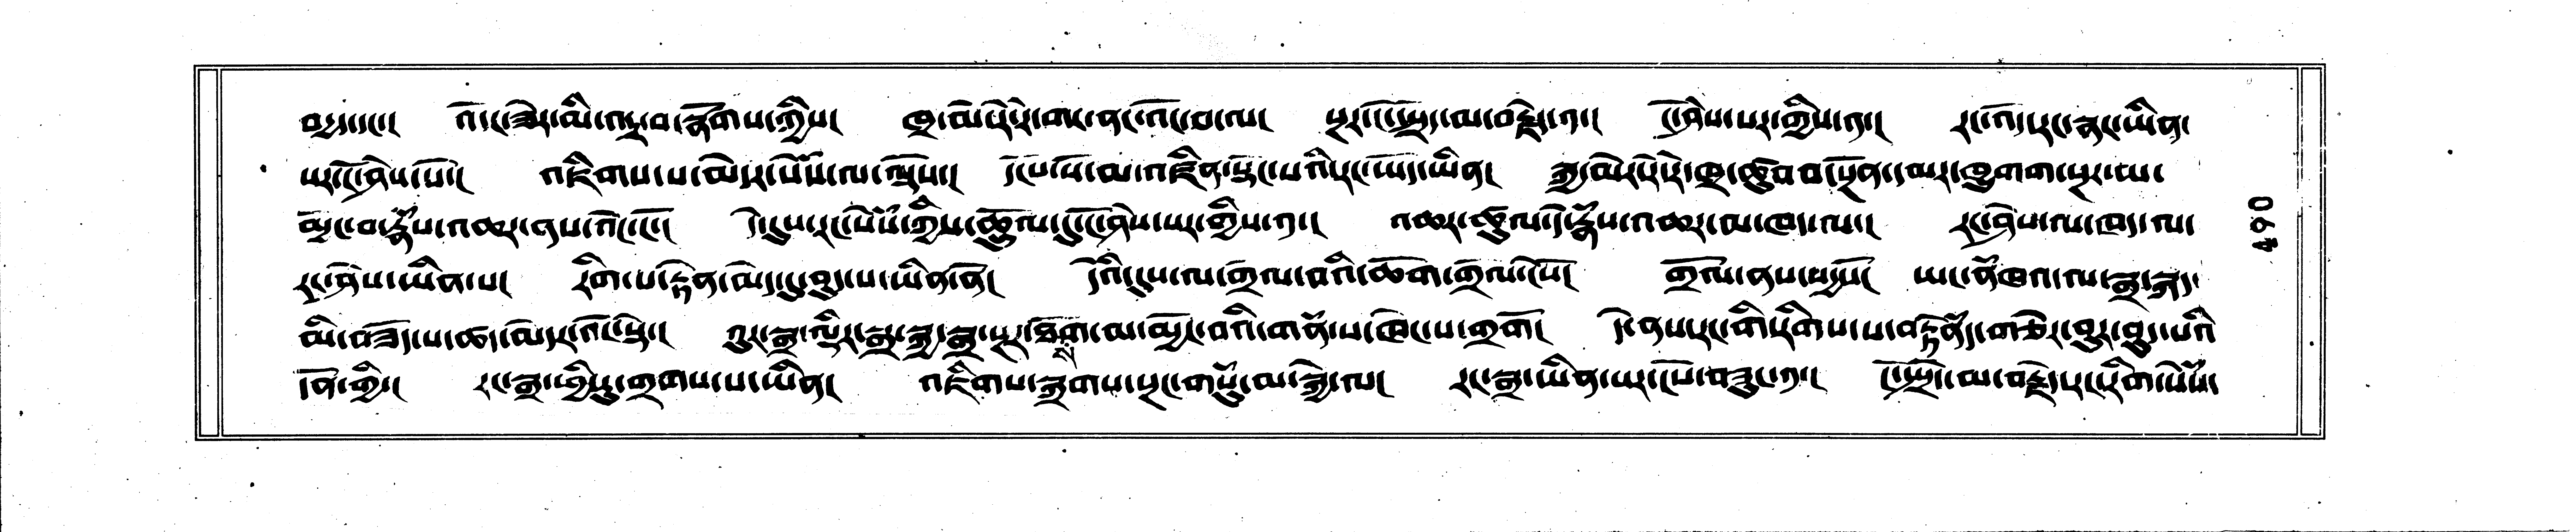བརྒྱད་ནས། འོད་དང་ཟེར་མི་འདྲ་བ་སྣ་ཚོགས་ཀྱི། ཁྲ་མེར་རེ་རེ་གང་ནས་འོང་པ་ལ། སྔར་ངོ་སྤྲད་མ་བརྗེད་ཅིག ངོ་ཤེས་པར་གྱིས་ཤིག རང་འོད་རང་ཟེར་རང་སྣང་ཡིན་པར་
ངོ་ཤེས་སོ། འཇིགས་པ་མེད་པར་སེམས་ལ་ལྟོས། དངོས་པོར་མ་འཛིན་སྟོང་པའི་རང་འོད་ཡིན། སྐྱ་མེར་རེ་རེ་ཁྲ་ཚུབ་ཚུབ་སྔོ་དམར་ཁྱུག་ཁྱུག སྔར་མཐོང་མ་
མྱོང་པ་རྣམས་འཆར་ནས་འོང་ངོ་། དེ་དུས་རང་སྣང་སེམས་ཀྱིས་ཆོ་འཕྲུལ་དུ་ཤེས་པར་གྱིས་ཤིག འཆར་ཚུལ་དེ་རྣམས་འཆར་མ་ཁད་ལ། རང་ཤི་ལ་ཁད་ལ་
རང་ཤི་བ་ཡིན་པས། རིག་པ་བརྟེན་མེད་དུ་བུད་པ་ཡིན་ནོ། དེའི་དུས་ལ་དྲན་པས་ཆོག་སྟེ་གྲོལ་ངེས་སོ། གྲོལ་ནས་སངས་རྒྱས་སོ། ཡང་ནམ་མཁའ་ལ་སྒྲ་སྐད་
མི་བཟོད་པར་ཚད་མེད་པར་འོང་སྟེ། འུར་སྒྲ་ལྡིར་སྒྲ་སྐྱག་སྒྲ་སྔར་ཐོས་མ་མྱོང་པའི་གནམ་ས་ཁེང་པ་གྲགས་སོ། དེ་དུས་རང་གིས་རིག་པ་གཏེན་༼རྟེན༽མེད་གཅེར་བུར་བུད་པའི
་དོན་གྱིས། རང་སྒྲ་ཕྱི་རུ་གྲགས་པ་ཡིན། འཇིགས་སྐྲགས་སྔང་གསུམ་མ་སྐྱེ་ལ། རང་སྒྲ་ཡིན་པར་ངོས་ཟུང་ཅིག ངོ་སྤྲོད་མ་བརྗེད་རང་རིག་སེམས་ལ་ལྟོས་